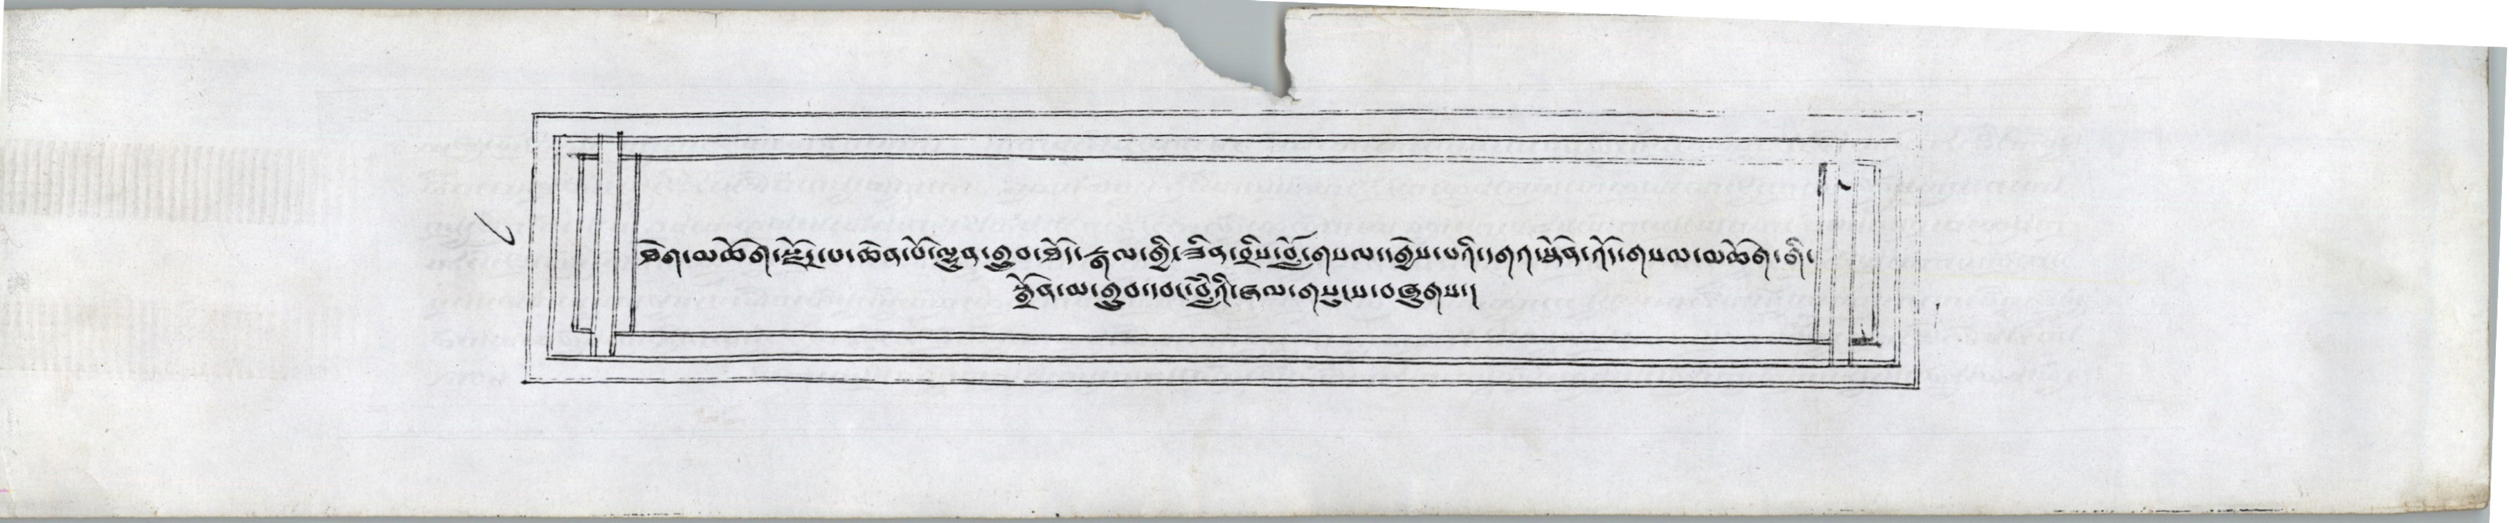ཐེག་མཆོག་རྫོགས་པ་ཆེན་པོ་ལྷུན་གྲུབ་ཐོད་རྒལ་གྱི་ཟིན་བྲིས་བློ་གསལ་དགྱེས་པའི་དགའ་སྟོན་འོད་གསལ་མཆོག་གི་
སྒྲོན་མ་གྲུབ་དབང་བློ་ཡི་ཞལ་གསུང་བཞུགས།།